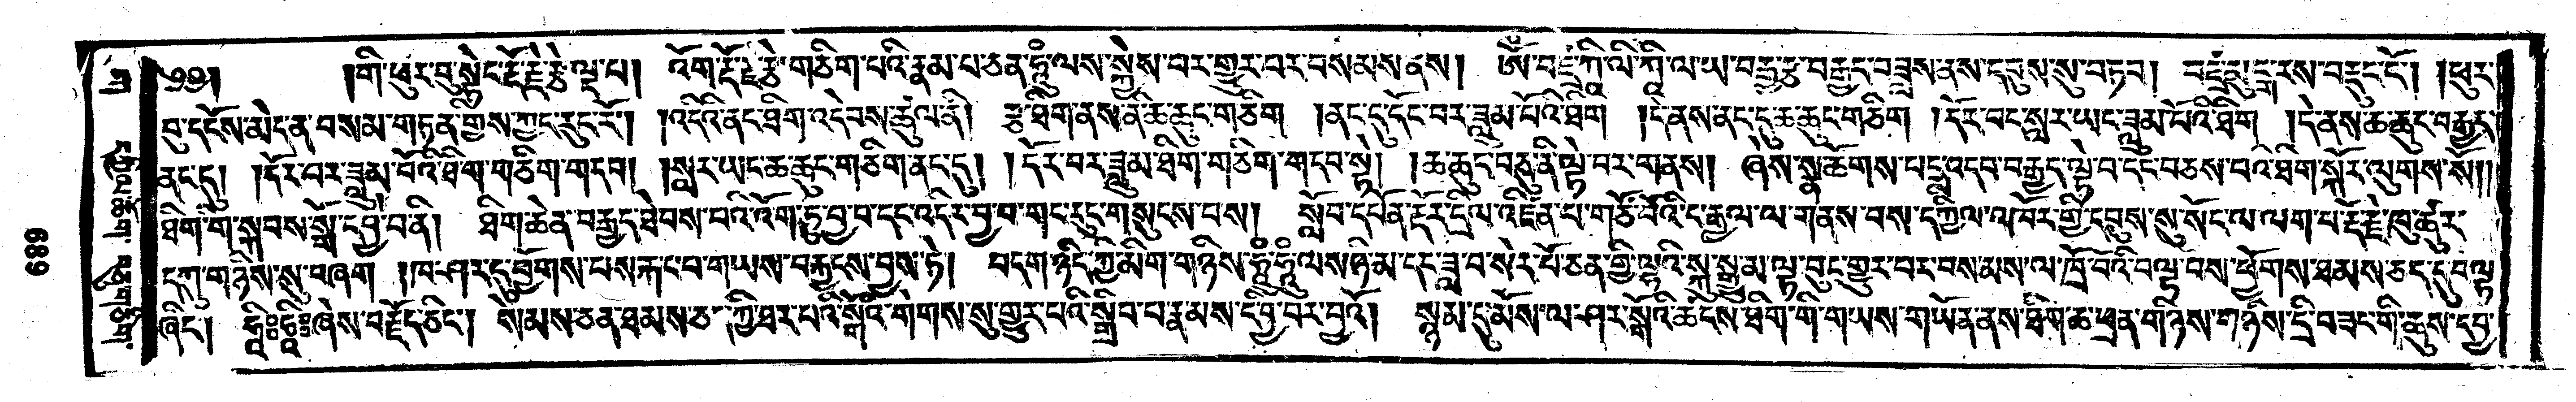༄༅། །གི་ཕུར་བུ་སྟེང་རྡོ་རྗེ་རྩེ་ལྔ་པ། འོག་རྡོ་རྗེ་རྩེ་གཅིག་པའི་རྣམ་པ་ཅན་ཧཱུཾ་ལས་སྐྱེས་བར་གྱུར་བར་བསམས་ནས། ཨོཾ་བཛྲ་ཀཱི་ལི་ཀཱི་ལ་ཡ་བརྒྱ་རྩ་བརྒྱད་བཟླས་ནས་དབུས་སུ་བཏབ། བཛྲ་མུངྒ་རས་བརྡུང་ངོ། །ཕུར་
བུ་དངོས་མེད་ན་བསམ་གཏན་གྱིས་ཀྱང་རུང་རོ། །འདིའི་ནང་ཐིག་འདེབས་ཚུལ་ནི། རྩ་ཐིག་ནས་ནི་ཆ་ཆུང་གཅིག །ནང་དུ་དོང་བར་ཟླུམ་པོའི་ཐིག །དེ་ནས་ནང་དུ་ཆ་ཆུང་གཅིག །དོར་བད་སླར་ཡང་ཟླུམ་པོའི་ཐིག །དེ་ནས་ཆ་ཆུང་བརྒྱད་
ནང་དུ། །དོར་བར་ཟླུམ་པཱི་ཐིག་གཅིག་གདབ། །སླར་ཡང་ཆ་ཆུང་གཅིག་ནང་དུ། །དོར་བར་ཟླུམ་ཐིག་གཅིག་གདབ་སྟེ། །ཆ་ཆུང་བཅུ་ནི་ལྟེ་བར་གནས། ཞེས་སྣ་ཚོགས་པདམ་འདབ་བརྒྱད་ལྟེ་བ་དང་བཅས་པའི་ཐིག་སྐོར་ལུགས་སོ།།
ཐིག་གི་སྐབས་སྒོ་དབྱེ་བ་ནི། ཐིག་ཆེན་བརྒྱད་ཐེབས་པའི་འོག་ཏུ་བྱ་བ་དང་འདིར་བྱ་བ་གང་རུང་གསུངས་པས། སློབ་དཔོན་རྡོར་དྲིལ་འཛིན་པ་གཙོ་བོའི་ང་རྒྱལ་ལ་གནས་བས་དཀྱིལ་འཁོར་གྱི་དབུས་སུ་སོང་ལ་ལག་པ་རྡོ་རྗེ་ཁུ་ཚུར་
དགུ་གཉིས་སུ་བཞག །ཁ་ཤར་དུ་ཕྱོགས་པས་རྐང་པ་གཡས་བརྐྱངས་བྱས་ཏེ། བདག་ཉིད་ཀྱི་མིག་གཉིས་ཧཱུཾ་ཧཱུཾ་ལས་ཉི་མ་དང་ཟླ་བ་སེར་པོ་ཅན་གྱི་ལྷའི་སྐུ་སྒྱུ་མ་ལྟ་བུར་གྱུར་བར་བསམས་ལ་ཁྲོ་བོའི་བལྟ་བས་ཕྱོགས་ཐམས་ཅད་དུ་བལྟ་
ཞིང་། ཧཱིཿཧཱིཿཞེས་བརྗོད་ཅིང་། སེམས་ཅན་ཐམས་ཅད་ཀྱི་ཐར་པའི་སྒོའི་གེགས་སུ་གྱུར་པའི་སྒྲིབ་པ་རྣམས་དབྱི་བར་བྱའོ། སྙམ་དུ་མོས་ལ་ཤར་སྒོའི་ཚངས་ཐིག་གི་གཡས་གཡོན་ནས་ཐིག་ཆ་ཕྲན་གཉིས་གཉིས་དྲི་བཟང་གི་ཆུས་དབྱེ་